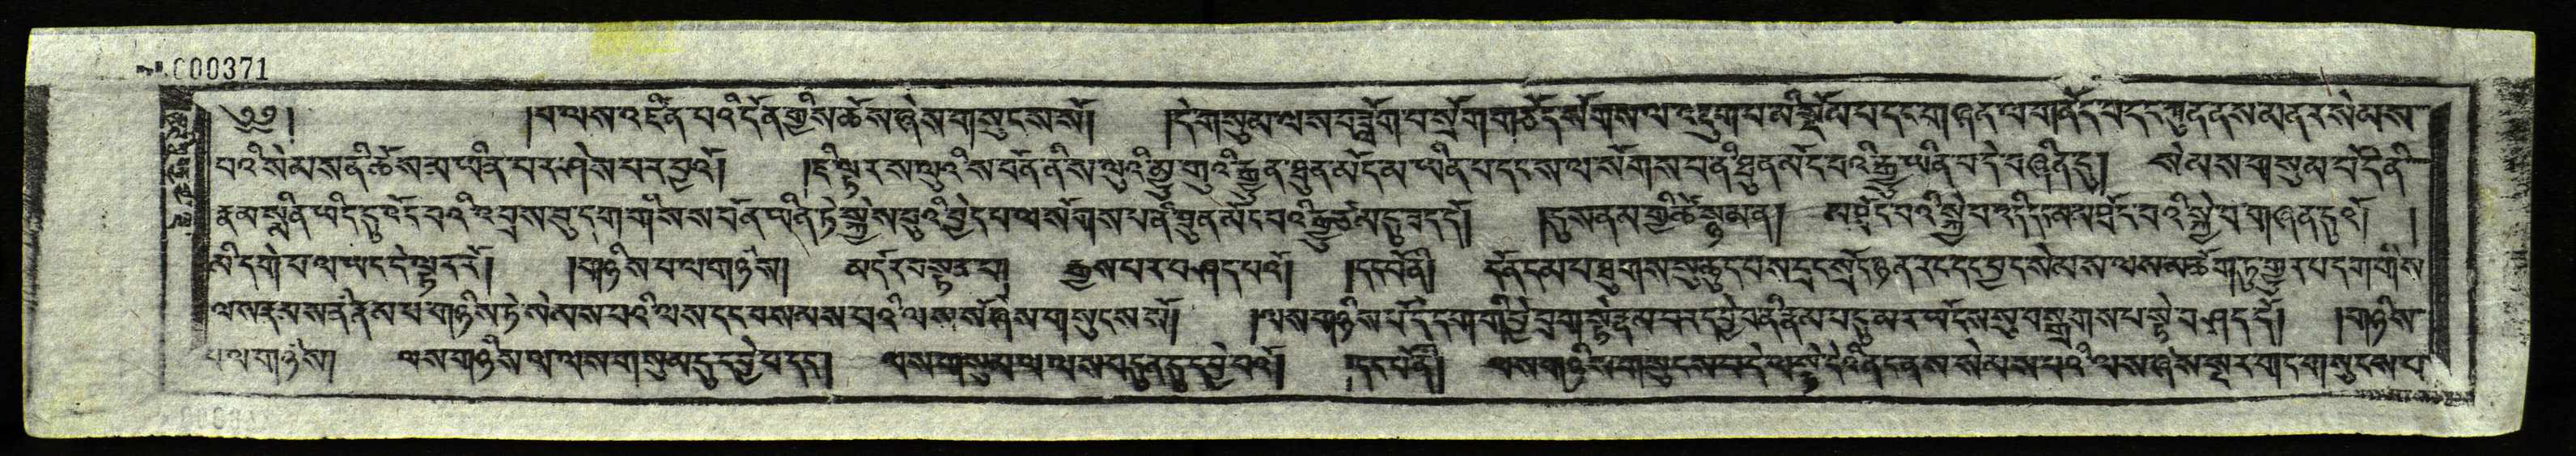༄༅། །པ་ལས་འཛིན་པའི་དོན་གྱིས་ཆོས་ཞེས་གསུངས་སོ། །དེ་གསུམ་ལས་བཟློག་བ་སྲོག་གཅོད་སོགས་ལ་འཇུག་པ་མི་སྡོམ་པ་དང་གཞན་ལ་གནོད་པ་དང་ཀུན་ནས་མནར་སེམས་
བའི་སེམས་ནི་ཆོས་མ་ཡིན་པར་ཤེས་པར་བྱའོ། །ཇི་ལྟར་ས་ལུའི་ས་བོན་ནི་ས་ལུའི་མྱུ་གུའི་རྒྱུན་ཐུན་མོང་མ་ཡིན་པ་དང་ས་ལ་སོགས་པ་ནི་ཐུན་མོང་བའི་རྒྱུ་ཡིན་པ་དེ་བཞིན་དུ། སེམས་གསུམ་པོ་དེ་ནི་
རྣམ་སྨིན་ཡིད་དུ་འོང་བའི་འབྲས་བུ་དག་གིས་ས་བོན་ཡིན་ཏེ་སྐྱེས་བུའི་བྱེད་པ་ལ་སོགས་པ་ནི་ཐུན་མོང་པའི་རྒྱུ་ཙམ་དུ་ཟད་དོ། །དུས་ནམ་གྱི་ཚེ་སྙམ་ན། མཐོང་བའི་སྐྱེ་བ་འདི་དང་མ་མཐོང་བའི་སྐྱེ་བ་གཞན་དུའོ། །
མི་དགེ་བ་ལ་ཡང་དེ་ལྟར་རོ། །གཉིས་པ་ལ་གཉིས། མདོར་བསྟན་པ། རྒྱས་པར་བཤད་པའོ། །དང་པོ་ནི། དོན་དམ་པ་ཐུགས་སུ་ཆུད་པས་དྲང་སྲོང་ཉན་རང་དང་བྱང་སེམས་ལས་མཆོག་ཏུ་གྱུར་པ་དག་གིས་
ལས་རྣམས་ནི་རྣམ་པ་གཉིས་ཏེ་སེམས་པའི་ལས་དང་བསམས་པའི་ལས་སོ་ཞེས་གསུངས་སོ། །ལས་གཉིས་པོ་དེ་དག་གི་བྱེ་བྲག་སྟེ་རྣམ་པར་དབྱེ་བ་ནི་རྣམ་པ་དུ་མར་ཡོངས་སུ་བསྒྲགས་པ་སྟེ་བཤད་དོ། །གཉིས་
པ་ལ་གཉིས། ལས་གཉིས་ལ་ལས་གསུམ་དུ་དབྱེ་བ་དང་། ལས་གསུམ་ལ་ལས་བདུན་དུ་དབྱེ་བའོ། །དང་པོ་ནི། ལས་གཉིས་གསུངས་པ་དེ་ལ་སྟེ་དེའི་ནང་ནས་སེམས་པའི་ལས་ཞེས་སྔར་གང་གསུངས་པ་